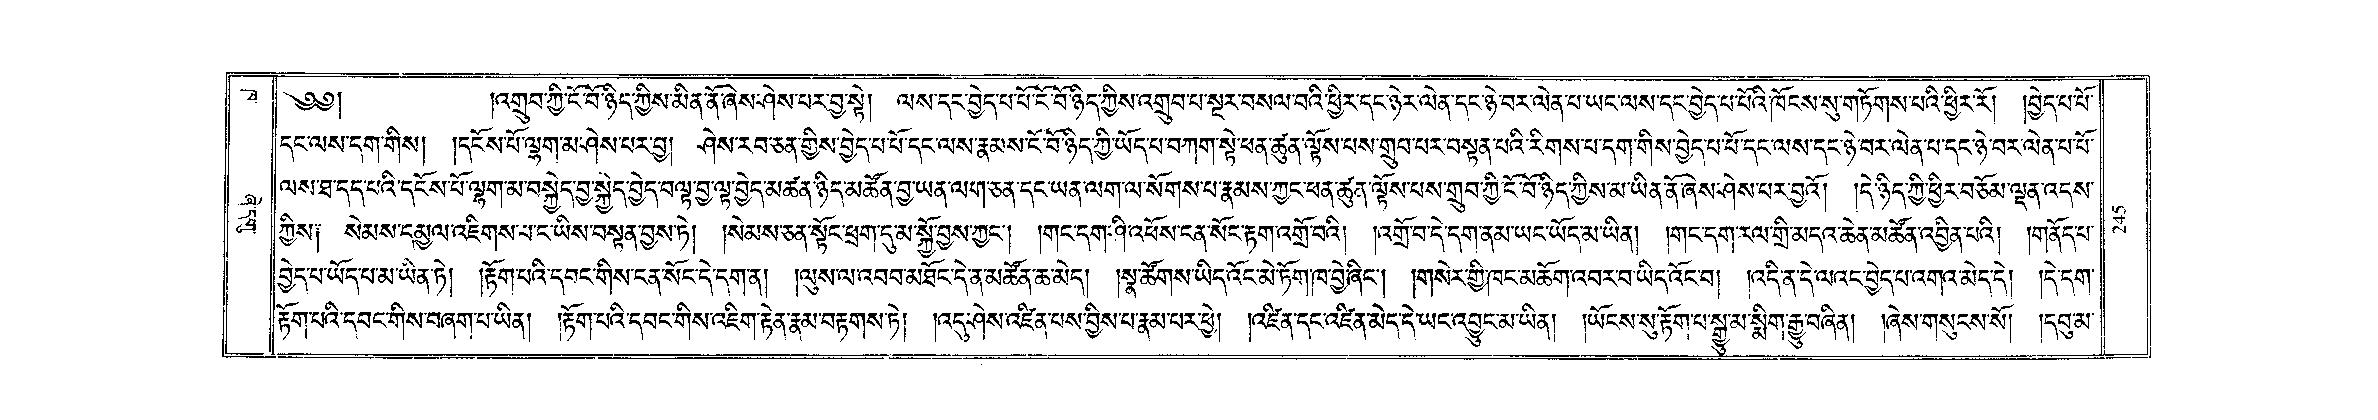༄༅། །འགྲུབ་ཀྱི་ངོ་བོ་ཉིད་ཀྱིས་མིན་ནོ་ཞེས་ཤེས་པར་བྱ་སྟེ། ལས་དང་བྱེད་པ་པོ་ངོ་བོ་ཉིད་ཀྱིས་འགྲུབ་པ་སྔར་བསལ་བའི་ཕྱིར་དང་ཉེར་ལེན་དང་ཉེ་བར་ལེན་པ་ཡང་ལས་དང་བྱེད་པ་པོའི་ཁོངས་སུ་གཏོགས་པའི་ཕྱིར་རོ། །བྱེད་པ་པོ་
དང་ལས་དག་གིས། །དངོས་པོ་ལྷག་མ་ཤེས་པར་བྱ། ཤེས་རབ་ཅན་གྱིས་བྱེད་པ་པོ་དང་ལས་རྣམས་ངོ་བོ་ཉིད་ཀྱི་ཡོད་པ་བཀག་སྟེ་ཕན་ཚུན་ལྟོས་པས་གྲུབ་པར་བསྟན་པའི་རིགས་པ་དག་གིས་བྱེད་པ་པོ་དང་ལས་དང་ཉེ་བར་ལེན་པ་དང་ཉེ་བར་ལེན་པ་པོ་
ལས་ཐ་དད་པའི་དངོས་པོ་ལྷག་མ་བསྐྱེད་བྱ་སྐྱེད་བྱེད་བལྟ་བྱ་ལྟ་བྱེད་མཚན་ཉིད་མཚོན་བྱ་ཡན་ལག་ཅན་དང་ཡན་ལག་ལ་སོགས་པ་རྣམས་ཀྱང་ཕན་ཚུན་ལྟོས་པས་གྲུབ་ཀྱི་ངོ་བོ་ཉིད་ཀྱིས་མ་ཡིན་ནོ་ཞེས་ཤེས་པར་བྱའོ། །དེ་ཉིད་ཀྱི་ཕྱིར་བཅོམ་ལྡན་འདས་
ཀྱིས༑ སེམས་དམྱལ་འཇིགས་པ་ང་ཡིས་བསྟན་བྱས་ཏེ། །སེམས་ཅན་སྟོང་ཕྲག་དུ་མ་སྐྱོ་བྱས་ཀྱང་། །གང་དག་ཤི་འཕོས་ངན་སོང་རྟག་འགྲོ་བའི། །འགྲོ་བ་དེ་དག་ནམ་ཡང་ཡོད་མ་ཡིན། །གང་དག་རལ་གྲི་མདའ་ཆེན་མཚོན་འབྱིན་པའི། །གནོད་པ་
བྱེད་པ་ཡོད་པ་མ་ཡིན་ཏེ། །རྟོག་པའི་དབང་གིས་ངན་སོང་དེ་དག་ན། །ལུས་ལ་འབབ་མཐོང་དེ་ན་མཚོན་ཆ་མེད། །སྣ་ཚོགས་ཡིད་འོང་མེ་ཏོག་ཁ་བྱེ་ཞིང་། །གསེར་གྱི་ཁང་མཆོག་འབར་བ་ཡིད་འོང་བ། །འདི་ན་དེ་ལའང་བྱེད་པ་འགའ་མེད་དེ། །དེ་དག་
རྟོག་པའི་དབང་གིས་བཞག་པ་ཡིན། །རྟོག་པའི་དབང་གིས་འཇིག་རྟེན་རྣམ་བརྟགས་ཏེ། །འདུ་ཤེས་འཛིན་པས་བྱིས་པ་རྣམ་པར་ཕྱེ། །འཛིན་དང་འཛིན་མེད་དེ་ཡང་འབྱུང་མ་ཡིན། །ཡོངས་སུ་རྟོག་པ་སྒྱུ་མ་སྨིག་རྒྱུ་བཞིན། །ཞེས་གསུངས་སོ། །དབུ་མ་